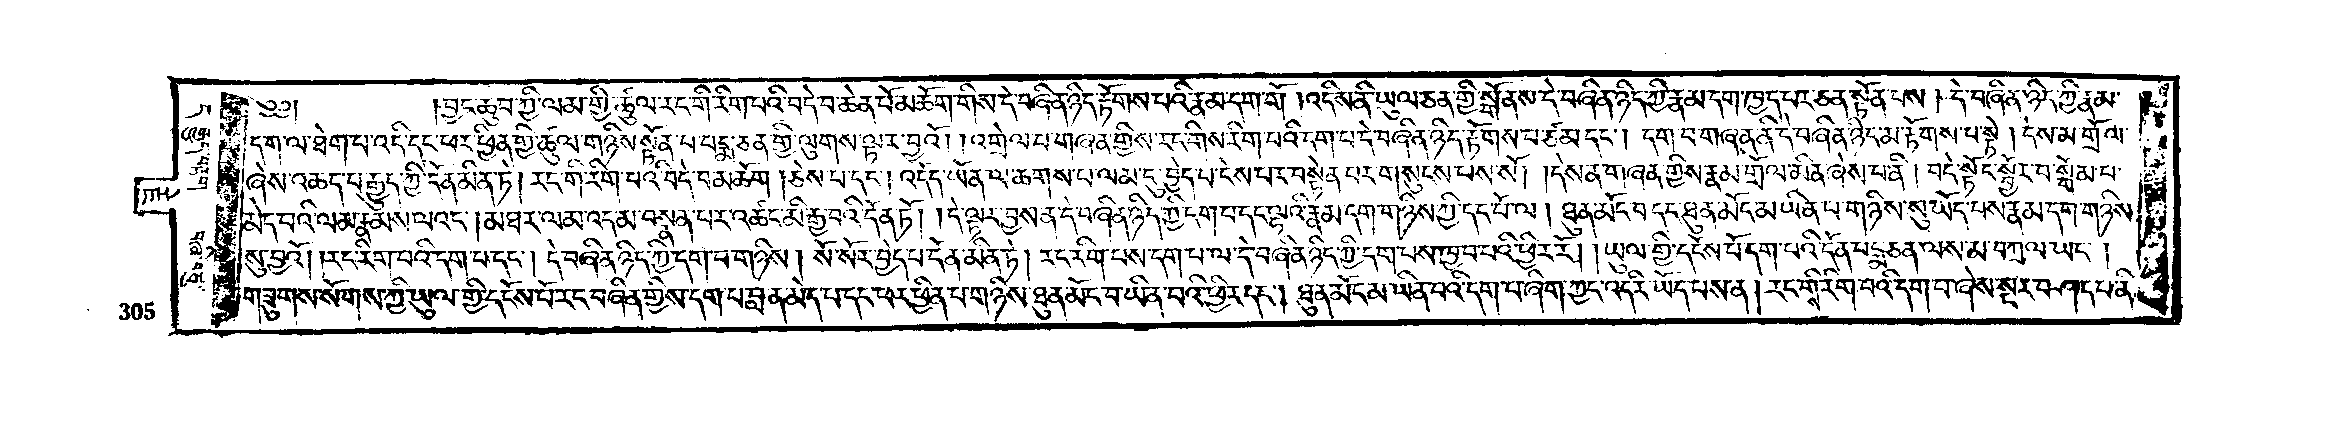༄༅། །བྱང་ཆུབ་ཀྱི་ལམ་གྱི་ཚུལ་རང་གི་རིག་པའི་བདེ་བ་ཆེན་པོ་མཆོག་གིས་དེ་བཞིན་ཉིད་རྟོགས་པའི་རྣམ་དག་གོ། འདིས་ནི་ཡུལ་ཅན་གྱི་སྒོ་ནས་དེ་བཞིན་ཉིད་ཀྱི་རྣམ་དག་ཁྱད་པར་ཅན་སྟོན་པས། དེ་བཞིན་ཉིད་ཀྱི་རྣམ་
དག་ལ་ཐེག་པ་འདི་དང་ཕར་ཕྱིན་གྱི་ཚུལ་གཉིས་སྟོན་པ་པདམ་ཅན་གྱི་ལུགས་ལྟར་བྱའོ། །འགྲེལ་པ་གཞན་གྱིས་རང་གིས་རིག་པའི་དག་པ་དེ་བཞིན་ཉིད་རྟོགས་པ་ཙམ་དང་། དག་པ་གཞན་ནི་དེ་བཞིན་ཉིད་མ་རྟོགས་པ་སྟེ། དེས་མ་གྲོལ་
ཞེས་འཆད་པ་རྒྱུད་ཀྱི་དོན་མིན་ཏེ། རང་གི་རིག་པའི་བདེ་བ་མཆོག །ཅེས་པ་དང་། འདོད་ཡོན་ལ་ཆགས་པ་ལམ་དུ་བྱེད་པ་ངེས་པར་བསྟེན་པར་གསུངས་པས་སོ། །དེས་ན་གཞན་གྱིས་རྣམ་གྲོལ་མིན་ཞེས་པ་ནི། བདེ་སྟོང་སྦྱོར་བ་སྒོམ་པ་
མེད་པའི་ལམ་རྣམས་ལའང་། མཐར་ལམ་འདི་?་མ་བསྣན་པར་འཚང་མི་རྒྱ་བའི་དོན་ཏོ། །དེ་ལྟར་བྱས་ན་དེ་བཞིན་ཉིད་ཀྱི་དག་པ་དང་ལྷའི་རྣམ་དག་གཉིས་ཀྱི་དང་པོ་ལ། ཐུན་མོང་བ་དང་ཐུན་མོང་མོང་མ་ཡིན་པ་གཉིས་སུ་ཡོད་པས་རྣམ་དག་གཉིས་
སུ་བྱའོ། །རང་རིག་པའི་དག་པ་དང་། དེ་བཞིན་ཉིད་ཀྱི་དག་པ་གཉིས། སོ་སོར་བྱེད་པ་དོན་མིན་ཏེ། རང་རིག་པས་དག་པ་ལ་དེ་བཞིན་ཉིད་ཀྱི་དག་པས་ཁྱབ་པའི་ཕྱིར་རོ། །ཡུལ་གྱི་དངོས་པོ་དག་པའི་དོན་པདམ་ཅན་ལས་མ་བཀྲལ་ཡང་།
གཟུགས་སོགས་ཀྱི་ཡུལ་གྱི་དངོས་པོ་རང་བཞིན་གྱིས་དག་པ་བླ་ན་མེད་པ་དང་ཕར་ཕྱིན་པ་གཉིས་ཐུན་མོང་བ་ཡིན་པའི་ཕྱིར་དང་། ཐུན་མོང་མ་ཡིན་པའི་དག་པ་ཞིག་ཀྱང་འདིར་ཡོད་པས་ན། རང་གིས་རིག་པའི་དག་པ་ཞེས་སྔར་བཤད་པ་ནི་